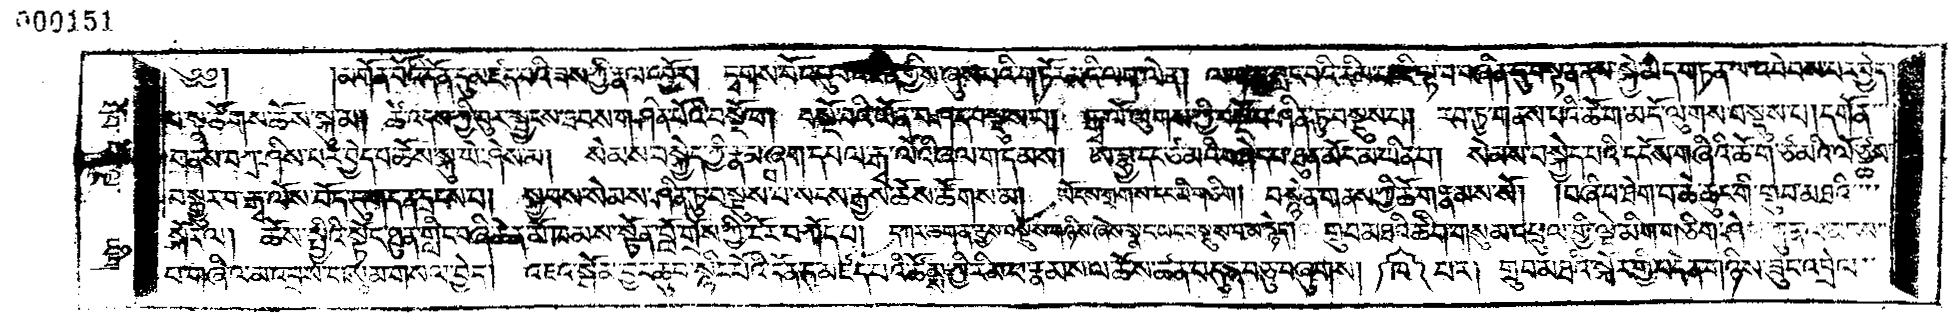༄༅། །མགོན་པོའི་དོན་དུ་མཛད་པའི་ཟས་ཀྱི་རྣལ་འབྱོར། དྭགས་པོ་འདུལ་འཛིན་གྱིས་ཞུས་པའི་གཏོར་མའི་ལག་ལེན། ལག་ཏུ་བླང་བའི་རིམ་པ་ཇི་ལྟ་བ་བཞིན་དུ་བསྟན་ནས་སྐྱེ་མེད་གཏན་ལ་འབེབས་པར་བྱེད་
པ་སྣ་ཚོགས་ཆོས་སྐུ་མ། ཚེ་འདས་ཀྱི་བུར་སྦྱངས་ཐབས་གཤིན་པོའི་བསྔོ་བ། བསྔོ་བའི་ཡོན་བཤད་བསྡུས་པ། རྒྭ་ལོ་ལུགས་ཀྱི་བསྔོ་བ་ཤིན་ཏུ་བསྡུས་པ། རབ་ཏུ་གནས་པའི་ཆོག་མདོ་ལུགས་བསྡུས་པ། དཀོན་
གནས་བཀྲ་ཤིས་པར་བྱེད་པ་ཆོས་སྐུ་ཡེ་ཤེས་མ། སེམས་བསྐྱེད་ཀྱི་རྣམ་ཞག་དཔལ་རྒྭ་ལོའི་ཞལ་གདམས། ཨ་བྷྱ་དང་ཙ་མའི་བཞེད་པ་ཐུན་མོང་མ་ཡིན་པ། སེམས་བསྐྱེད་པའི་དངོས་གཞིའི་ཆོ་ག་ཙ་མའི་ལོཙྪས་
བསྒྱུར་བ་རྒྭ་ལོས་བོད་དུ་གདན་དྲངས་བ། སྐྱབས་སེམས་ཤིན་ཏུ་བསྡུས་པ་སངས་རྒྱས་ཆོས་ཚོགས་མ། ཡོངས་གྲགས་དང་མི་གཅིག །  བསྙེན་གནས་ཀྱི་ཆོ་ག་རྣམས་སོ། །བཞི་པ་ཐེག་པ་ཆེ་ཆུང་གི་གྲུབ་མཐའི་
སྐོར་ལ། ཆོས་སྤྱིའི་སྟོང་ཐུན་གླིང་བཞི་ཆེན་མོ་ཁམས་སྟོན་བློ་གྲོས་ཀྱི་ངོར་བཀོད་པ། དཀར་ཆག་ན་རྒྱས་བསྡུས་གཉིས་ཞེས་སྣང་ཡང་བསྡུས་པ་མ་རྙེད།  གྲུབ་མཐའི་ཚིག་གསུམ་འཕྲུལ་གྱི་ལྡེ་མིག་གཅིག་ཤེས་ཀུན་ལ་མཁས་
པ་གཞི་ལམ་འབྲས་གསུམ་གསལ་བྱེད། འཇའ་སྒོམ་བྱང་ཆུབ་སྙིང་པོའི་དོན་དུ་མཛད་པའི་ཚོམས་ཀྱི་རིམ་པ་རྣམས་ལ་ཆོས་ཚན་བདུན་བཅུ་ཞུགས། ༼ཁ༽ པར། གྲུབ་མཐའི་སྐོར་གྱི་བདེན་གཉིས་ཟུང་འབྲེལ་